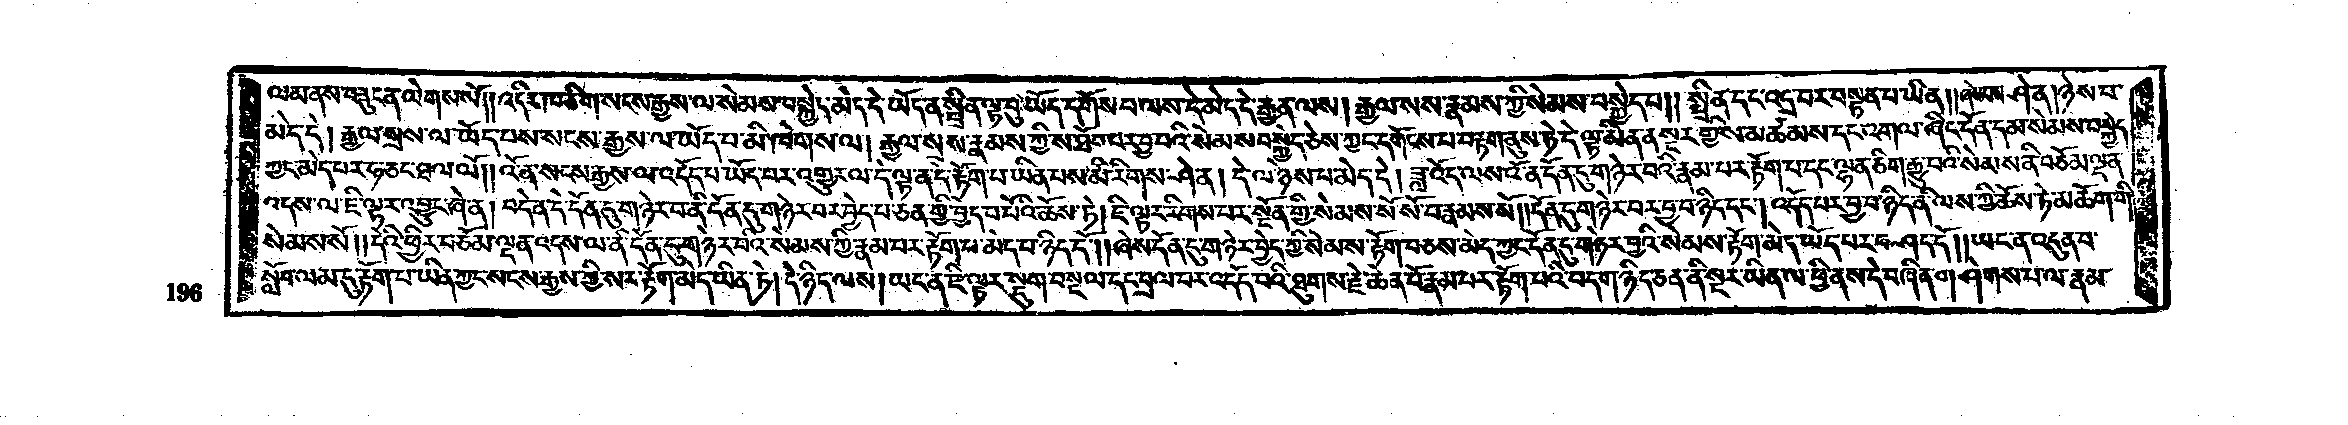ལམ་ནས་བཟུང་ན་ལེགས་སོ། །འདིར་ཁ་ཅིག་སངས་རྒྱས་ལ་སེམས་བསྐྱེད་མེད་དེ་ཡོད་ན་སྤྲིན་ལྟ་བུ་ཡོད་དགོས་པ་ལས་དེ་མེད་དེ་རྒྱན་ལས། རྒྱལ་སྲས་རྣམས་ཀྱི་སེམས་བསྐྱེད་པ། །སྤྲིན་དང་འདྲ་བར་བསྟན་པ་ཡིན། །ཞེས་པས་ཤེ་ན། ཉེས་པ་
མེད་དེ། རྒྱལ་སྲས་ལ་ཡོད་པས་སངས་རྒྱས་ལ་ཡོད་པ་མི་ཁེགས་ལ། རྒྱལ་སྲས་རྣམས་ཀྱི་ས་ཐོབ་པར་བྱ་བའི་སེམས་བསྐྱེད་ཅེས་ཀྱང་དགོངས་པ་བརྟག་ནུས་ཏེ་དེ་ལྟ་མིན་ན་སྔར་གྱི་ས་མཚམས་དང་འགལ་ཞིང་དོན་དམ་སེམས་བསྐྱེད་
ཀྱང་མེད་པར་ཧ་ཅང་ཐལ་ལོ། །འོ་ན་སངས་རྒྱས་ལ་འདོད་པ་ཡོད་པར་འགྱུར་ལ་དེ་ལྟ་ན་དེ་རྟོག་པ་ཡིན་པས་མི་རིགས་ཤེ་ན། དེ་ལ་ཉེས་པ་མེད་དེ། ཟླ་འོད་ལས་འོ་ན་དོན་དུ་གཉེར་བའི་རྣམ་པར་རྟོག་པ་དང་ལྷན་ཅིག་རྒྱུ་བའི་སེམས་ནི་བཅོམ་ལྡན་
འདས་ལ་ཇི་ལྟར་འབྱུང་ཞེ་ན། བདེན་དེ་དོན་དུ་གཉེར་བ་ནི་དོན་དུ་གཉེར་བར་བྱེད་པ་ཅན་གྱི་བྱེད་པ་པོའི་ཆོས་ཏེ། ཇི་ལྟར་རིགས་པར་སྔོན་གྱི་སེམས་སོ་སོ་བ་རྣམས་སོ། །དོན་དུ་གཉེར་བར་བྱ་བ་ཉིད་དང་། འདོད་པར་བྱ་བ་ཉིད་ནི་ལས་ཀྱི་ཆོས་ཏེ་མཆོག་གི་
སེམས་སོ། །དེའི་ཕྱིར་བཅོམ་ལྡན་འདས་ལ་ནི་དོན་དུ་གཉེར་བའི་སེམས་ཀྱི་རྣམ་པར་རྟོག་པ་མེད་པ་ཉིད་དོ། །ཞེས་དོན་དུ་གཉེར་བྱེད་ཀྱི་སེམས་རྟོག་བཅས་མེད་ཀྱང་དོན་དུ་གཉེར་བྱའི་སེམས་རྟོག་མེད་ཡོད་པར་བཤད་དོ། །ཡང་ན་འདུན་པ་
སློབ་ལམ་དུ་རྟོག་པ་ཡིན་ཀྱང་སངས་རྒྱས་ཀྱི་སར་རྟོག་མེད་ཡིན་ཏེ། དེ་ཉིད་ལས། ཡང་ན་ཇི་ལྟར་སྡུག་བསྔལ་དང་བྲལ་བར་འདོད་པའི་ཐུགས་རྗེ་ཆེན་པོ་རྣམ་པར་རྟོག་པའི་བདག་ཉིད་ཅན་ནི་སྔར་ཡིན་ལ་ཕྱི་ནས་དེ་བཞིན་གཤེགས་པ་ལ་རྣམ་